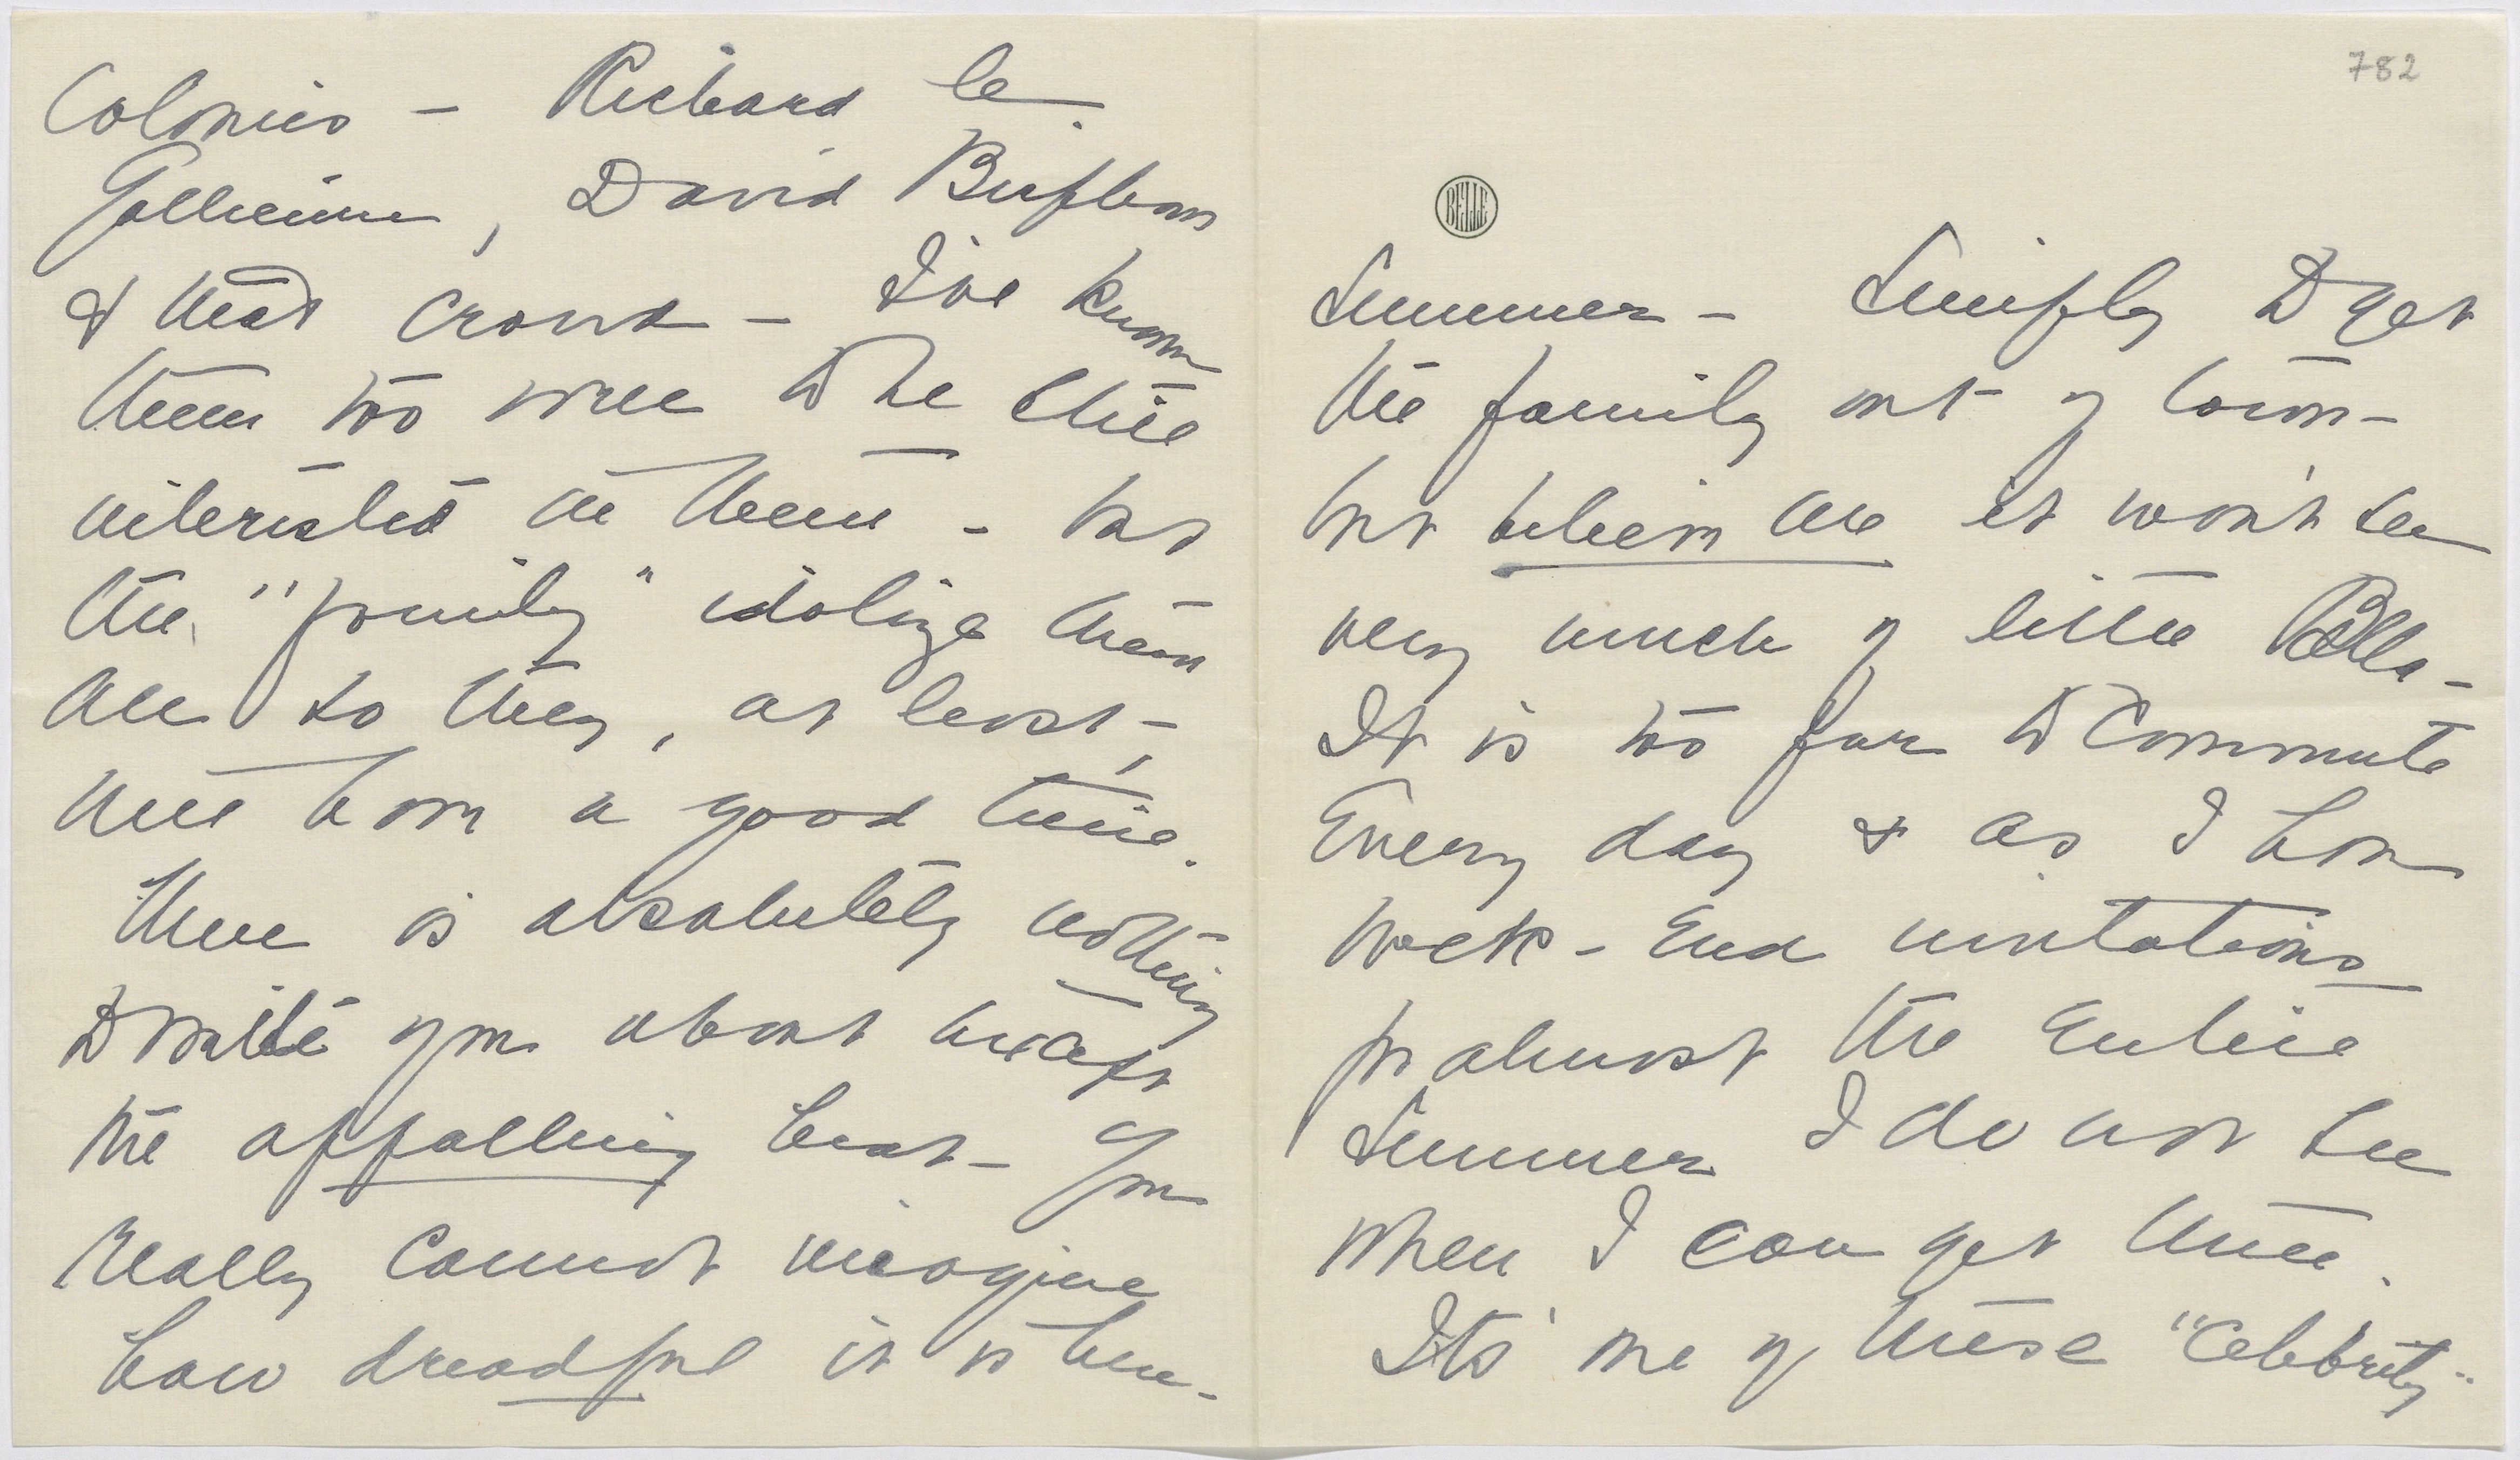Summer – Simply to get the family out of town – but believe me it won’t see very much of little Belle – It is far to commute every day & as I have week-end invitations for almost the entire summer I do not see when I can get there.
It’s one of those “cebbrity” colonies – Richard le Gallienne, David Bispham & that crowd – I’ve known them too well to be still interested in them – but the “family” idolize them all so they, at least, will have a good time.
There is absolutely nothing to write you about except the appalling heat – You really cannot imagine how dreadful it is here –